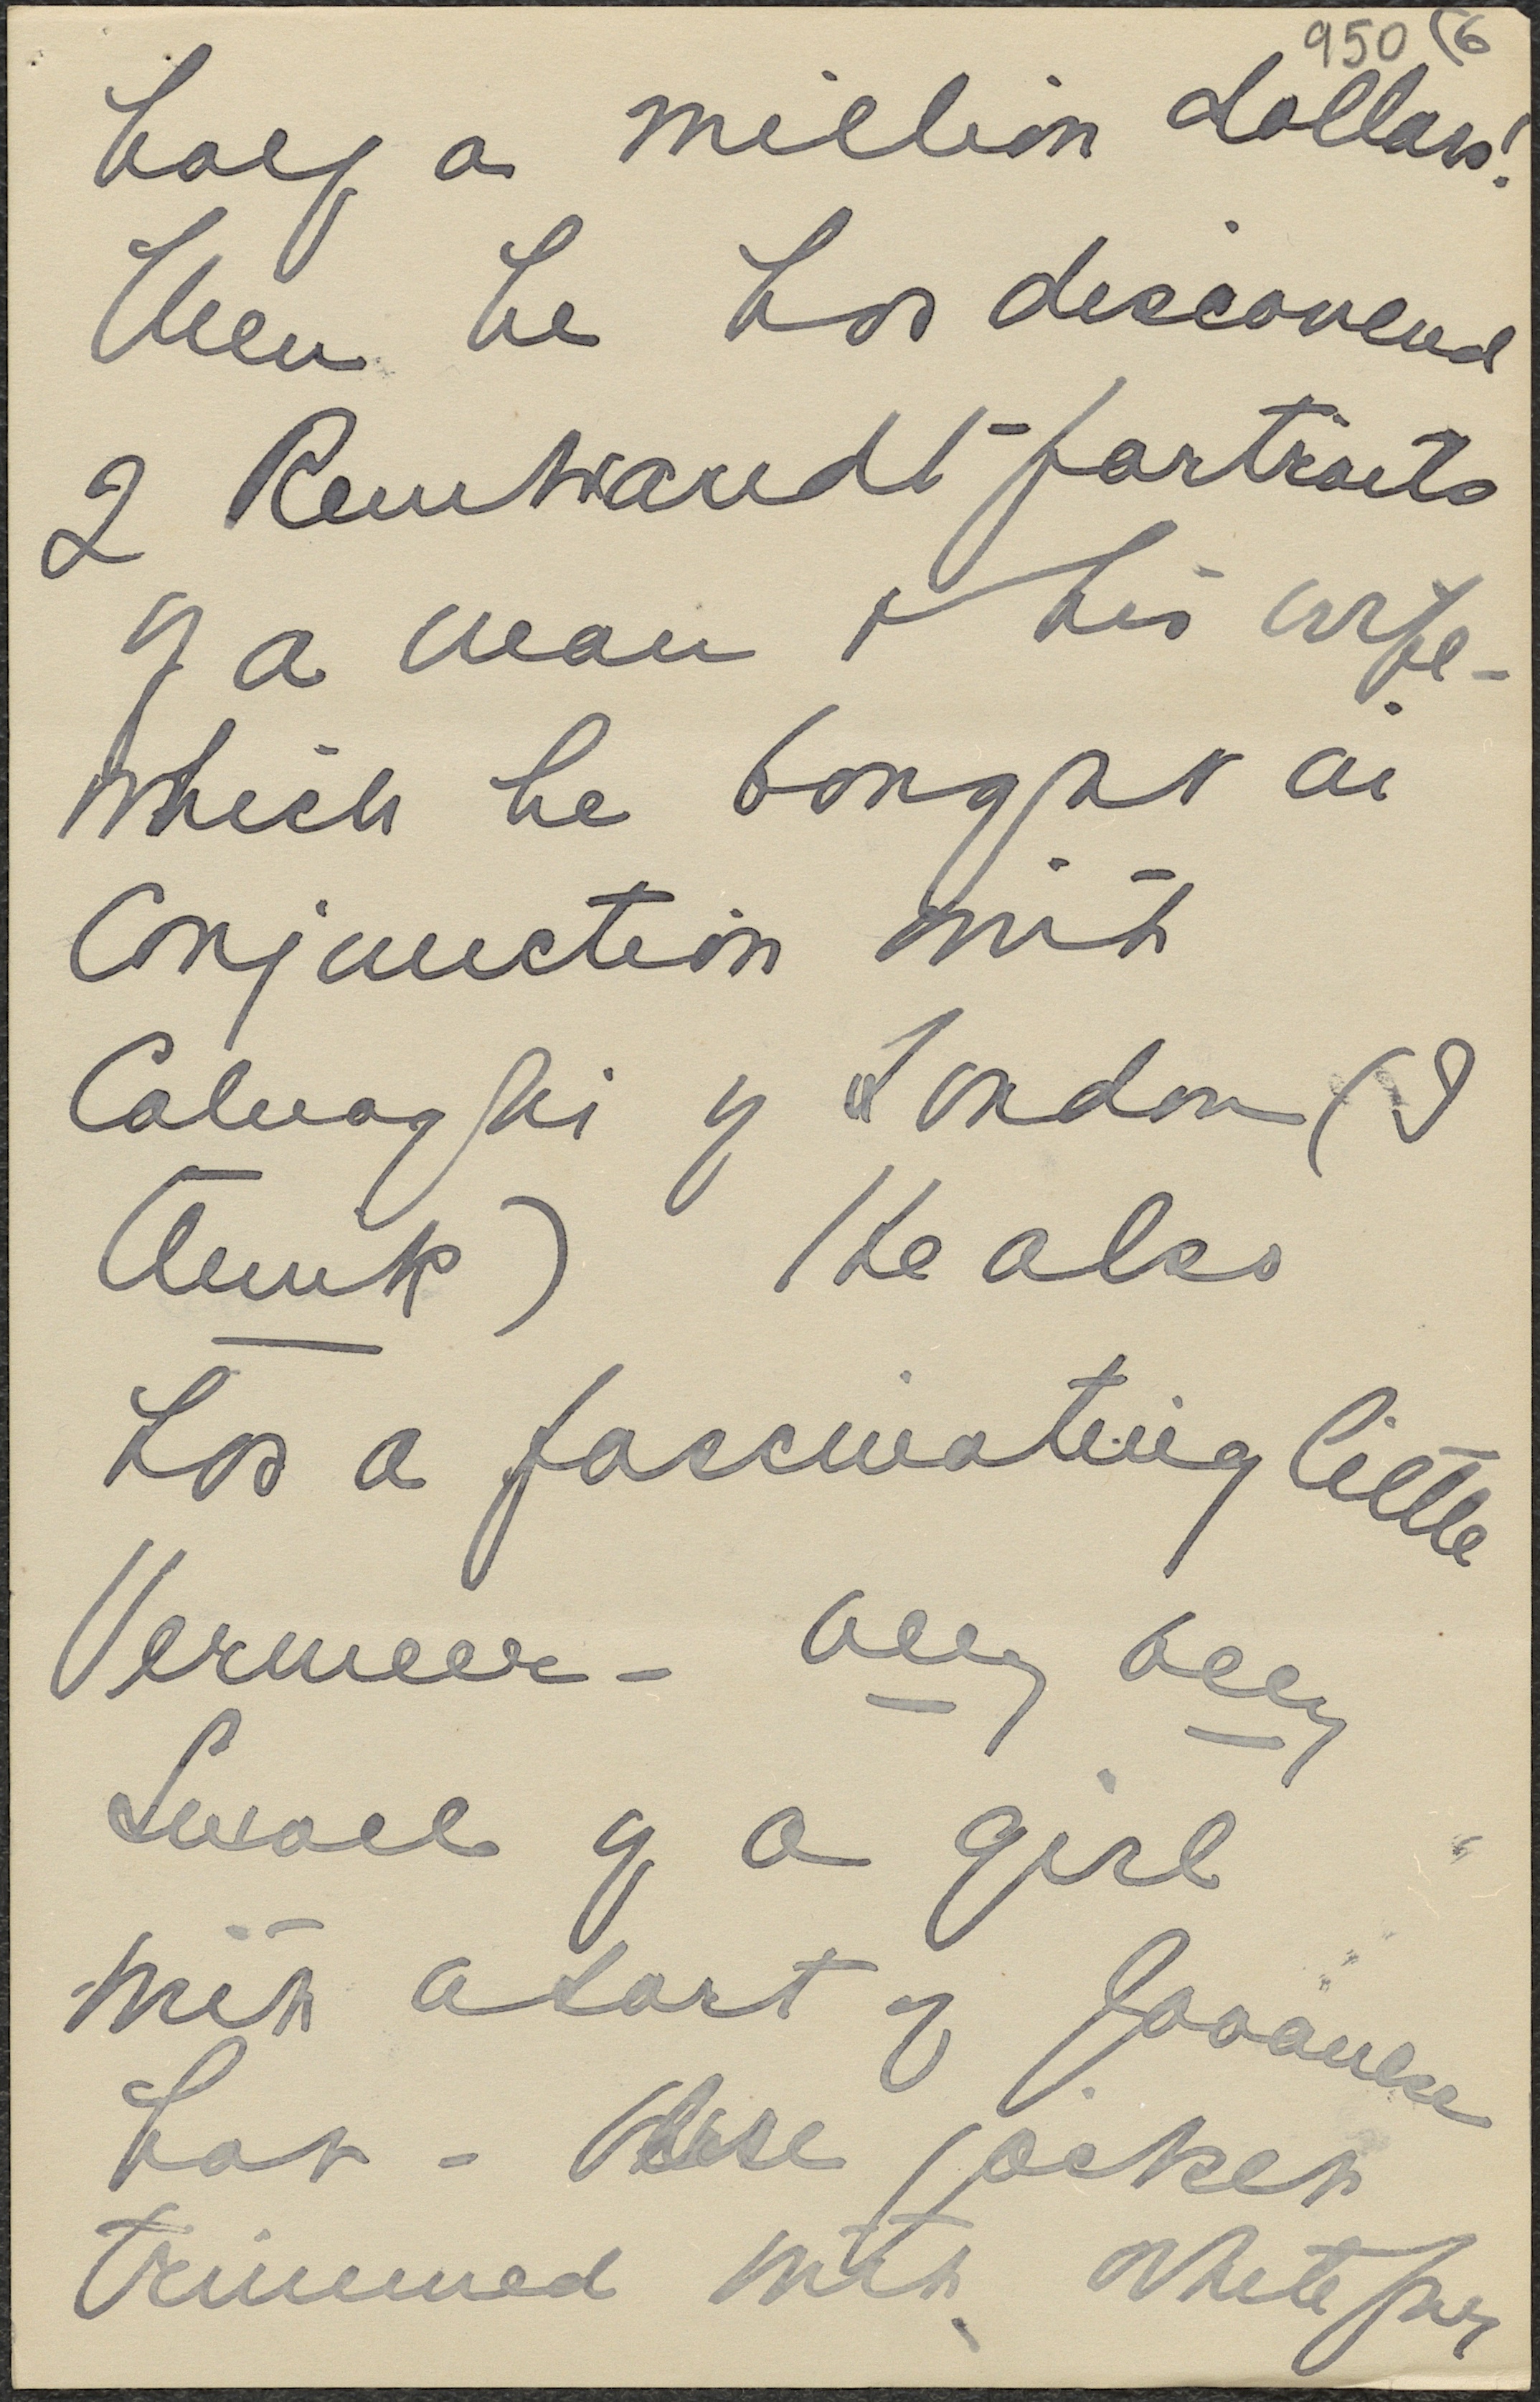(6
half a million dollars! Then he has discovered 2 Rembrandt portraits of a man & his wife – which he bought in conjunction with Colnaghi of London (I think) He also has a fascinating little Vermeer – very very small of a girl with a sort of Javanese hat – blue jacket trimmed with white fur